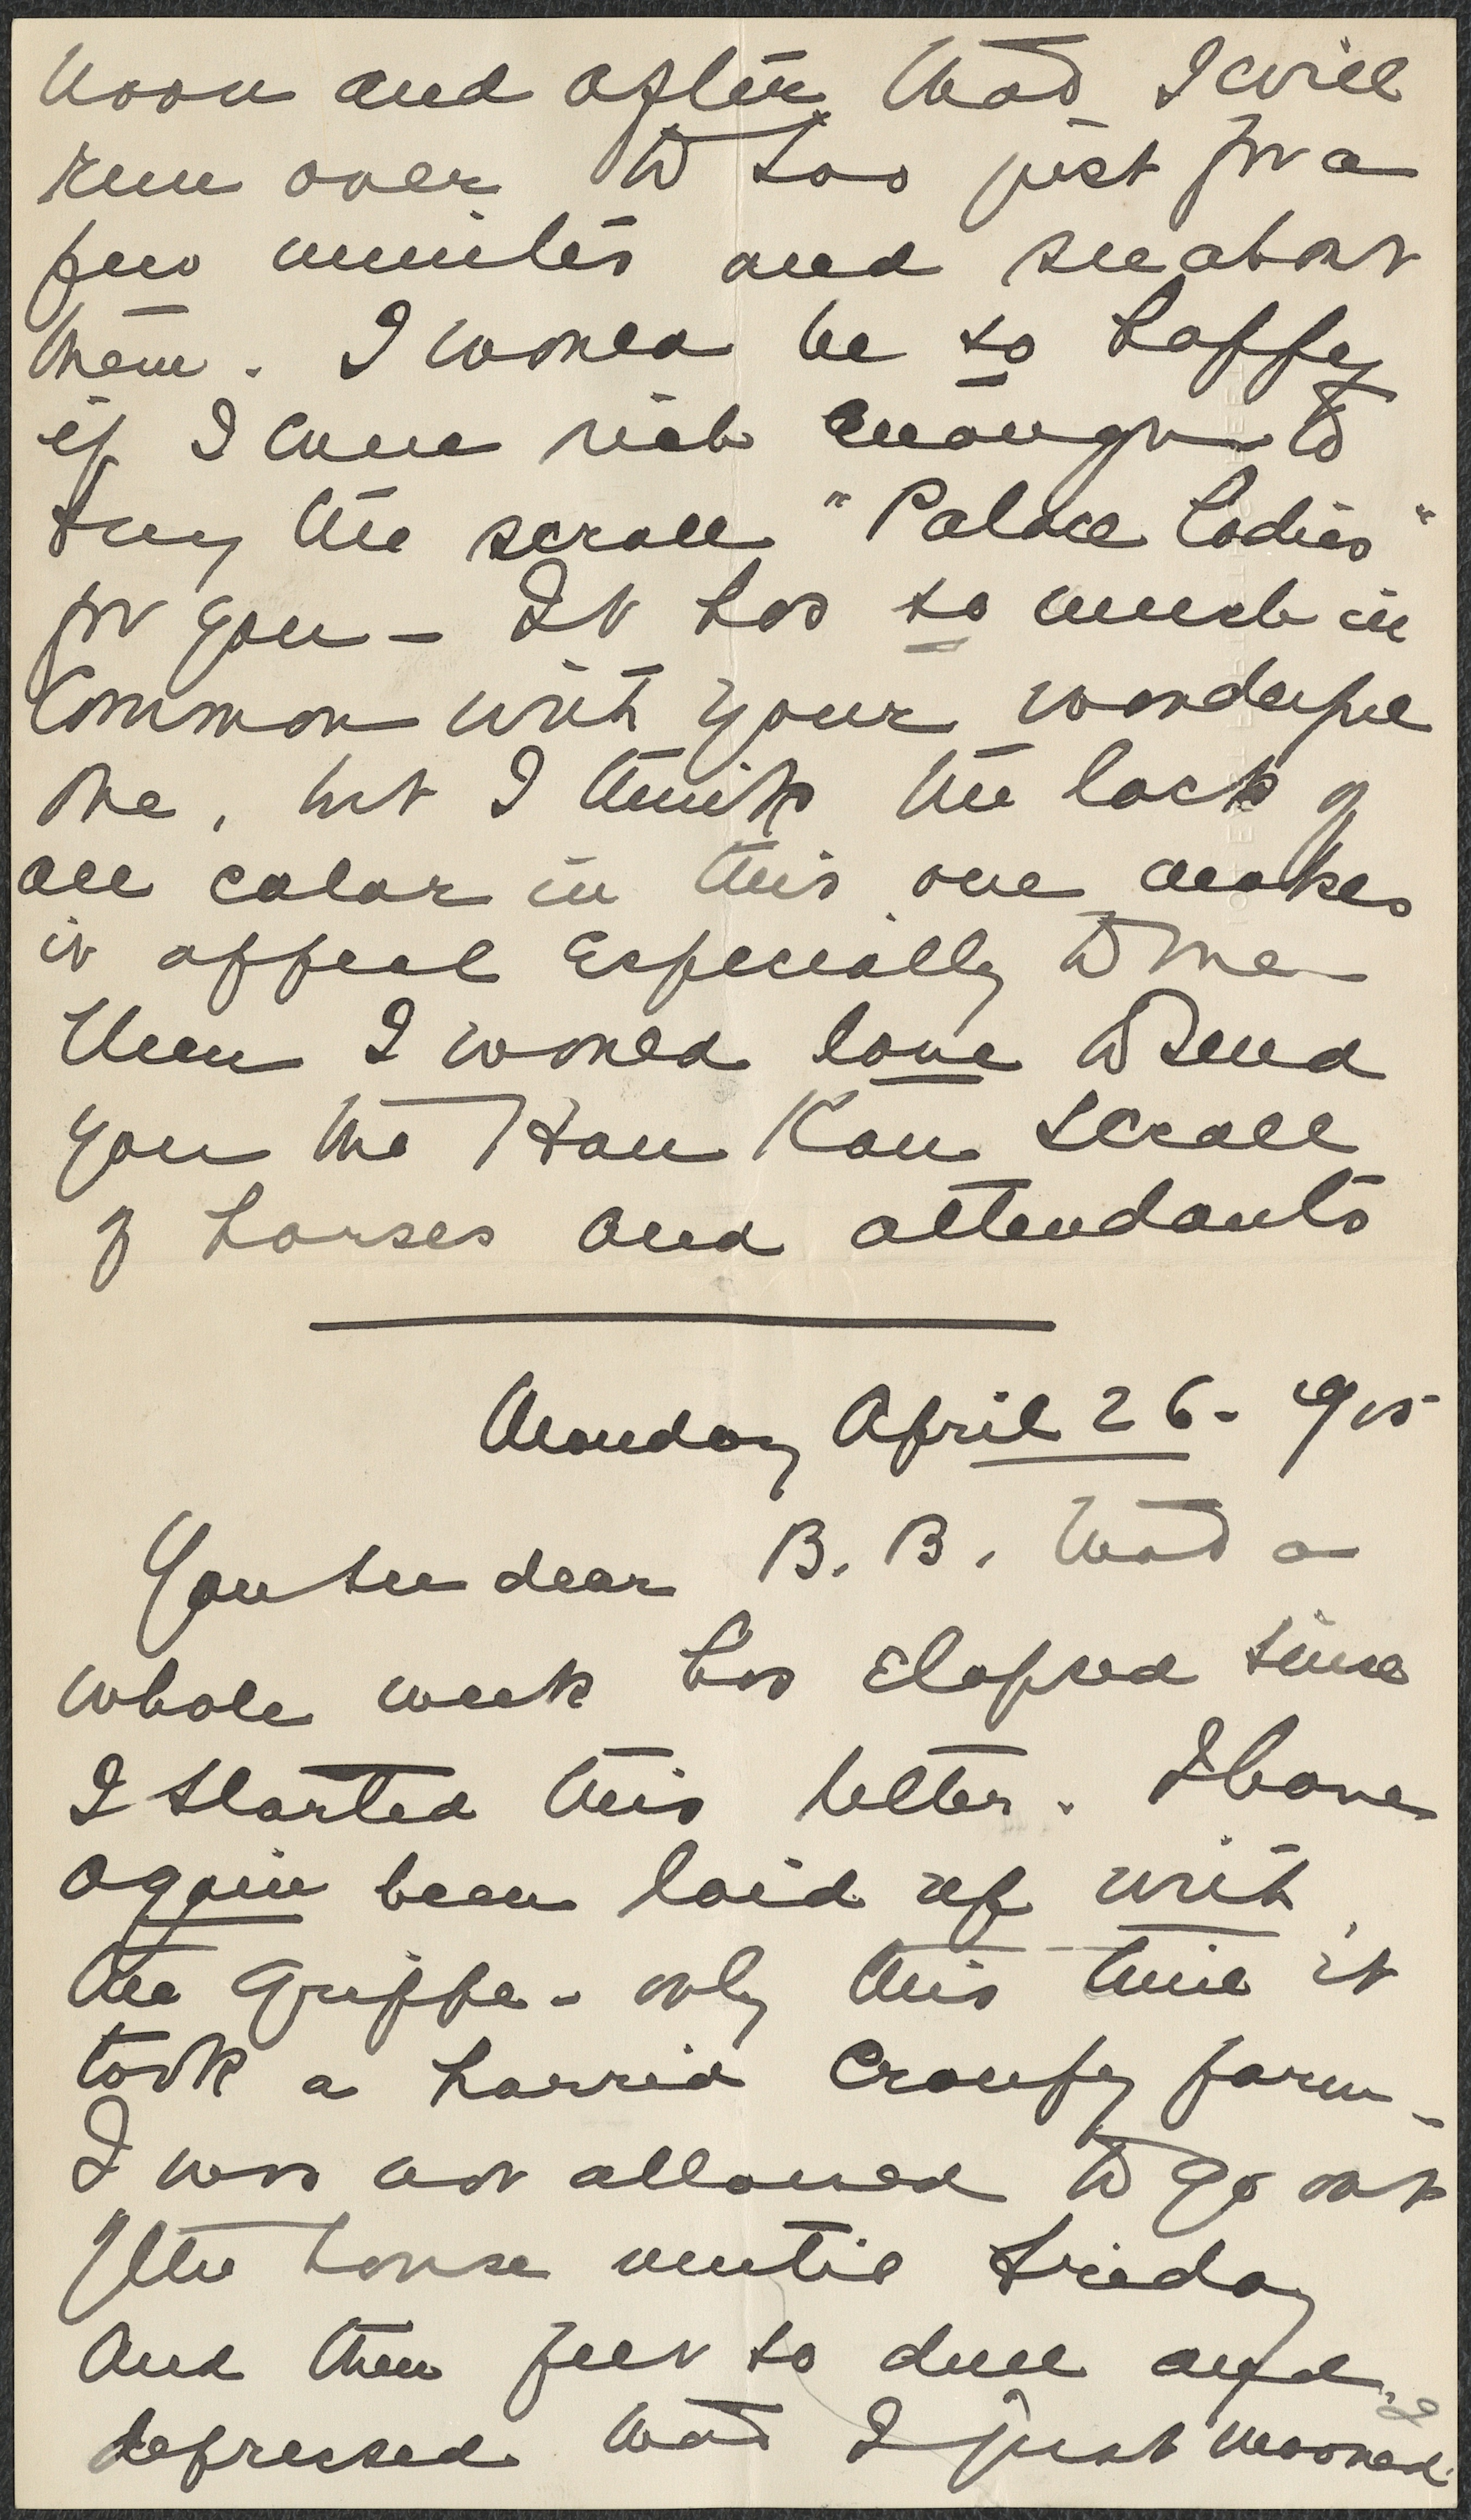and after that I will run over to Loo just for a few minutes and see about them. I would be so happy if I were rich enough to buy the scroll “Palace Ladies” for you – It has so much in common with your wonderful one. but I think the lack of all color in this one makes it appeal especially to me – then I would love to send you the Han Kan scroll of horses and attendants
Monday April 26 – 1915
You see dear B. B. that a whole week has elapsed since I started this letter. I have again been laid up with the grippe – only this time it took a horrid crampy form – I was not allowed to go out of the house until Friday and then felt so dull and depressed that I just mooned